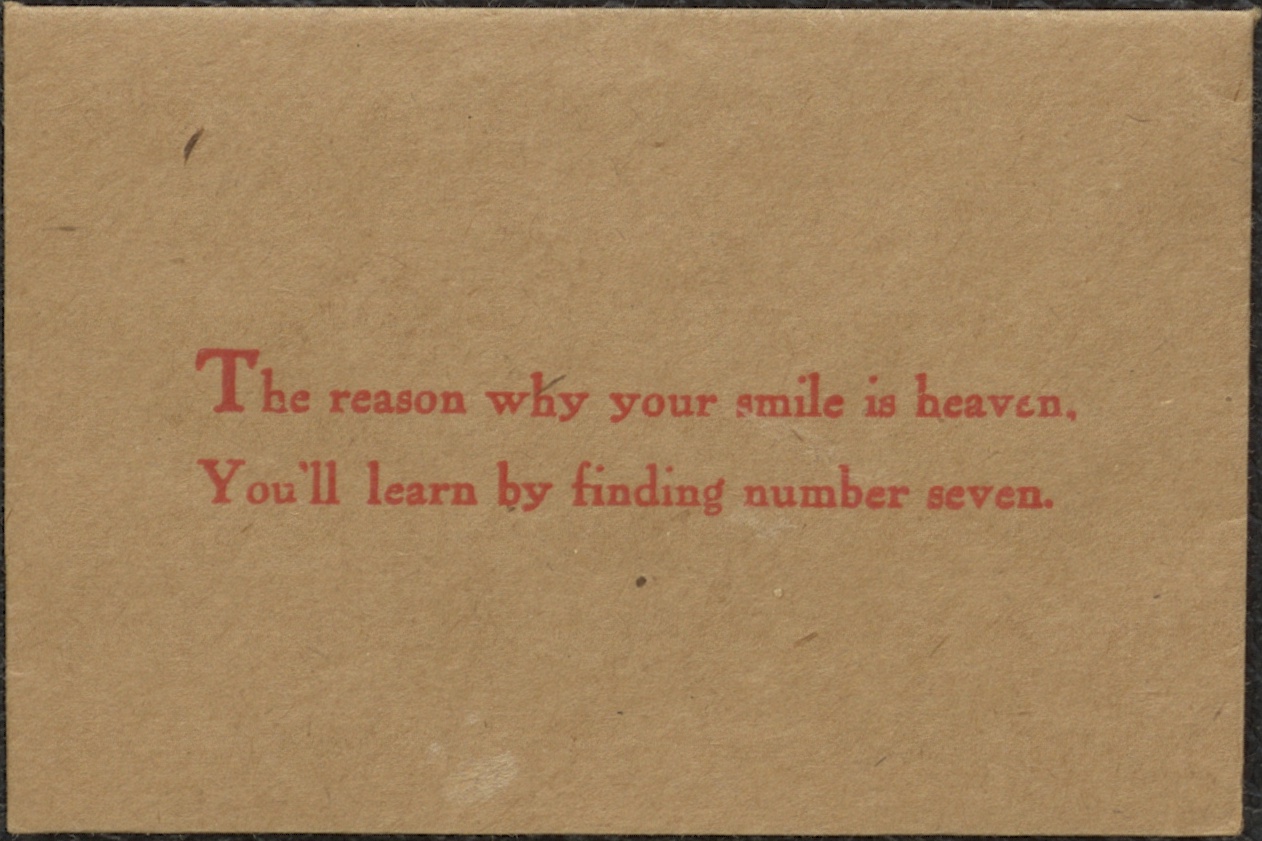[7]
The reason why your smile is heaven,
You’ll learn by finding number seven.